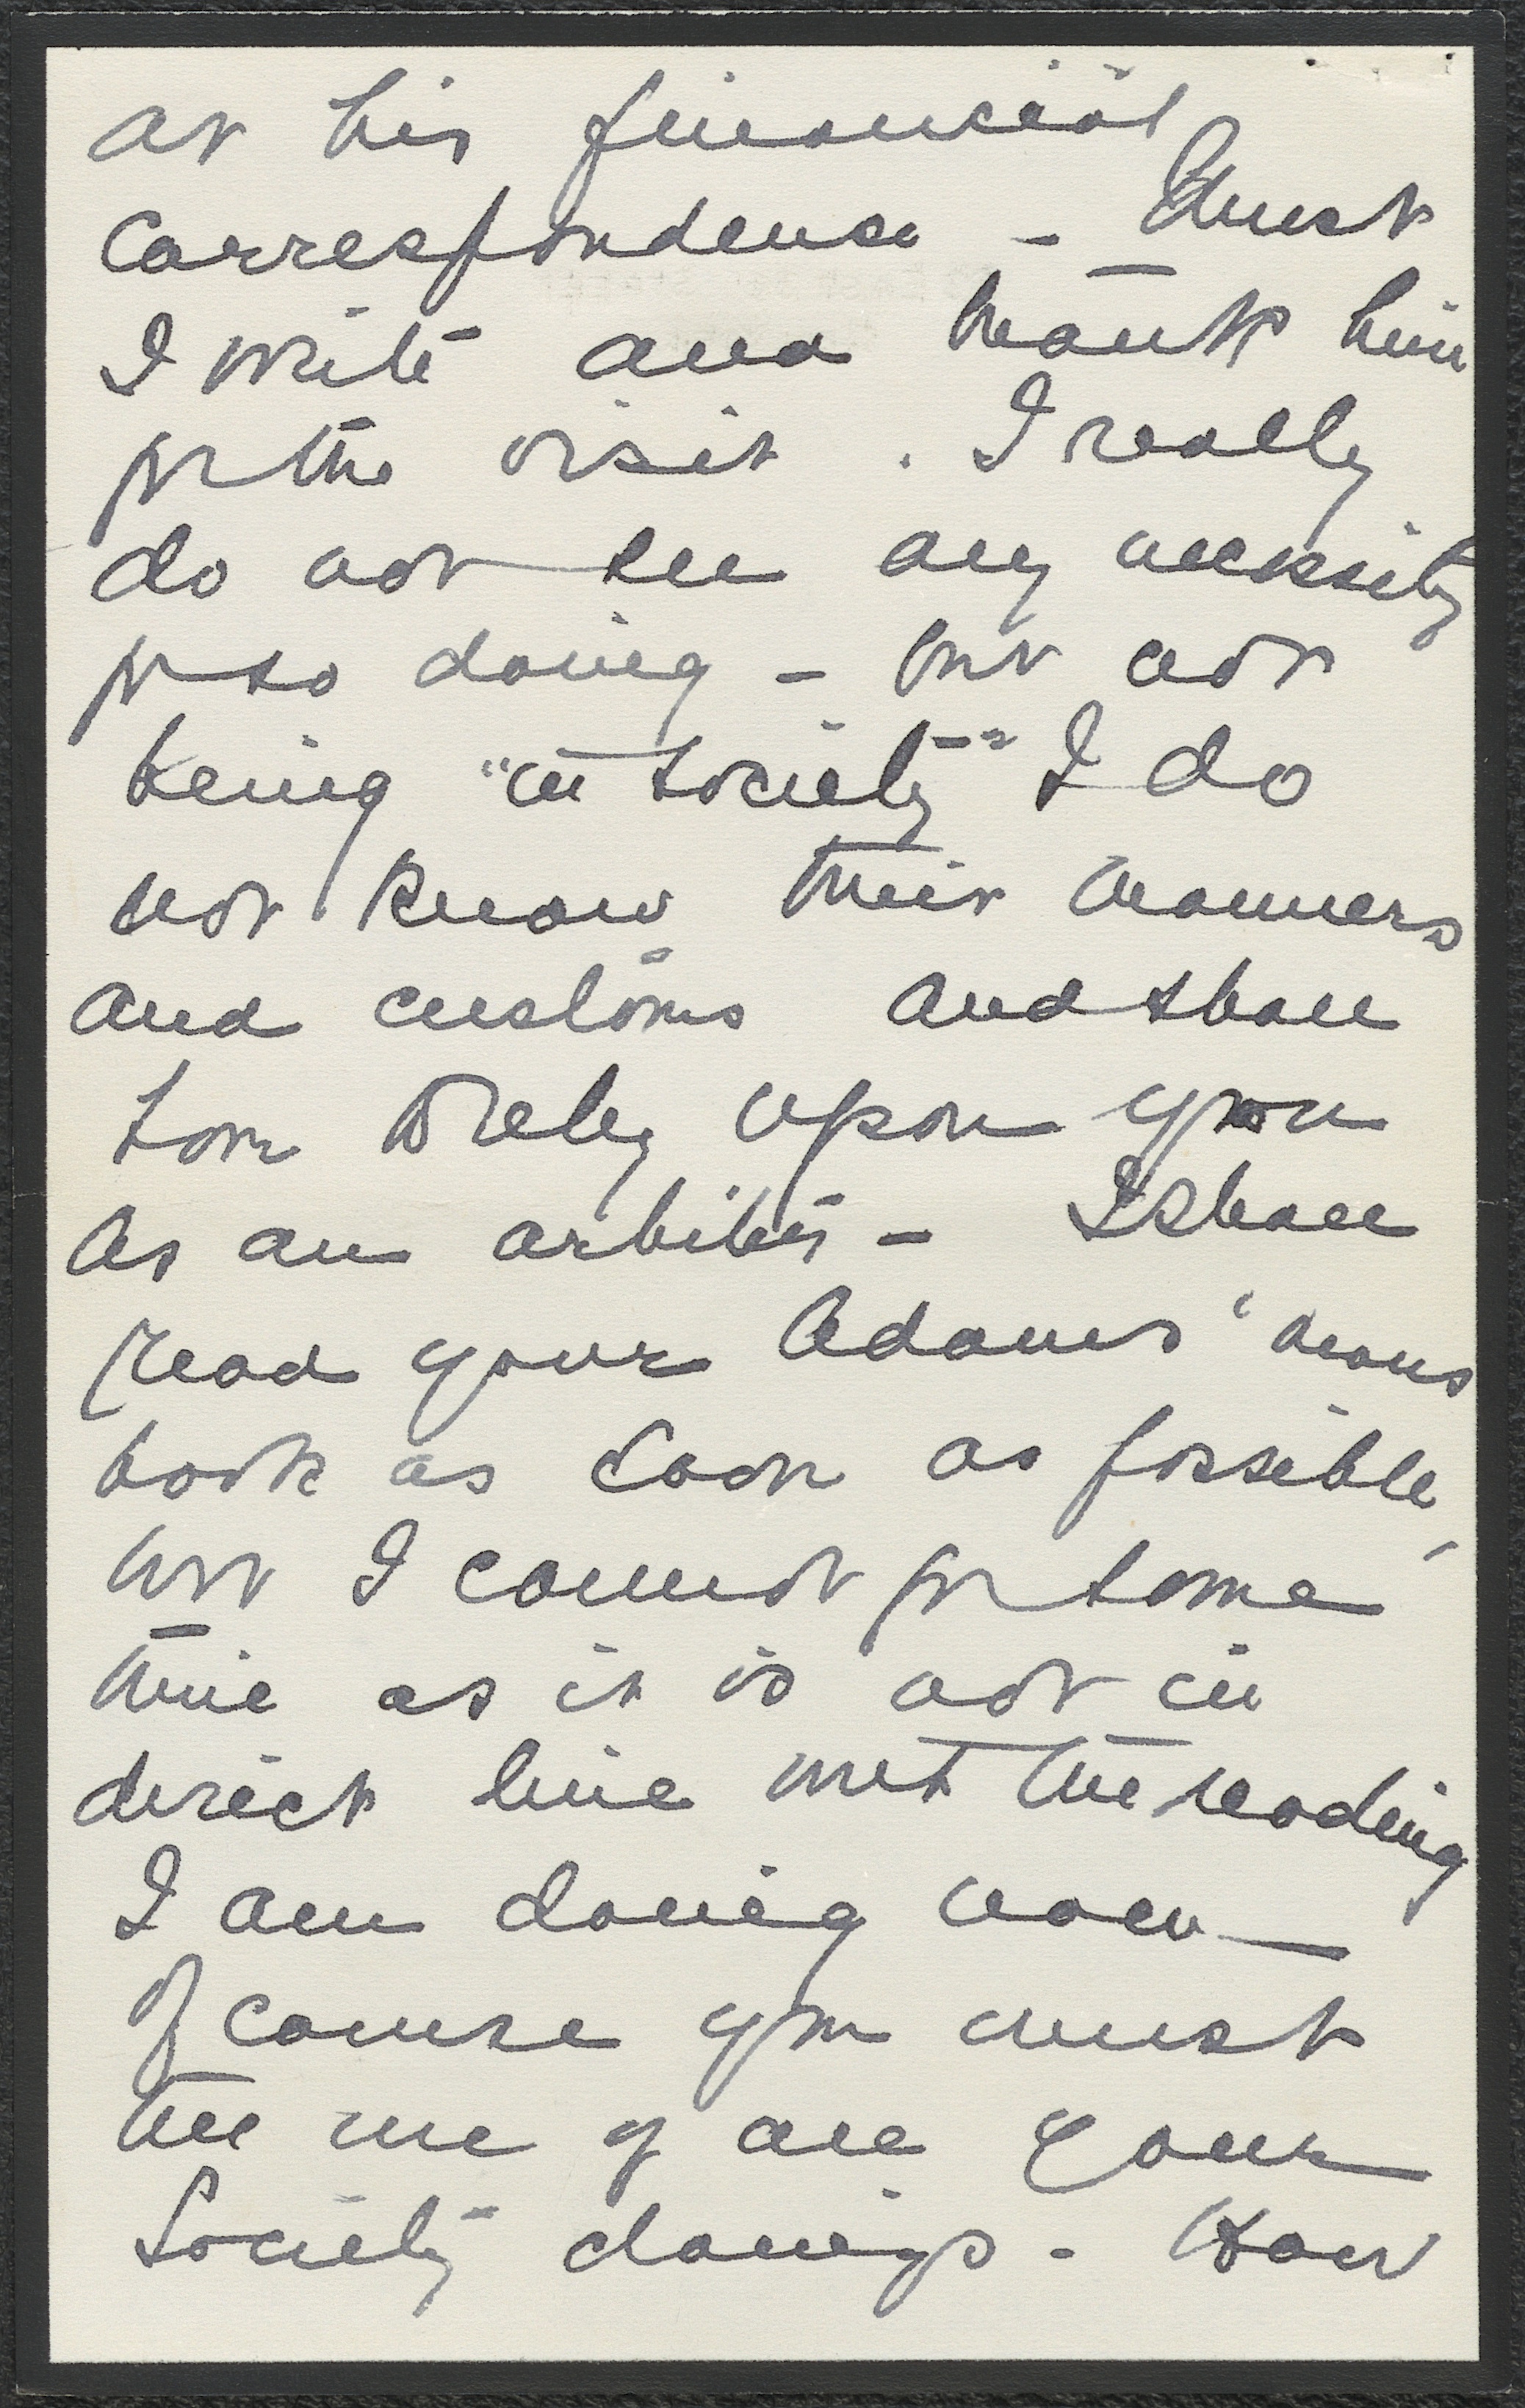at his financial correspondense [sic]– Must I write and thank him for the visit. I really do not see any necessity for so doing – but not being “in society” I do not know their manners and customs and shall have to rely upon you as an arbiter – I shall read your Adams ‘ mons [?] book as soon as possible, but I cannot for some time as it is not in direct line with the reading I am doing now – of course you must tell me of all your society doings – How